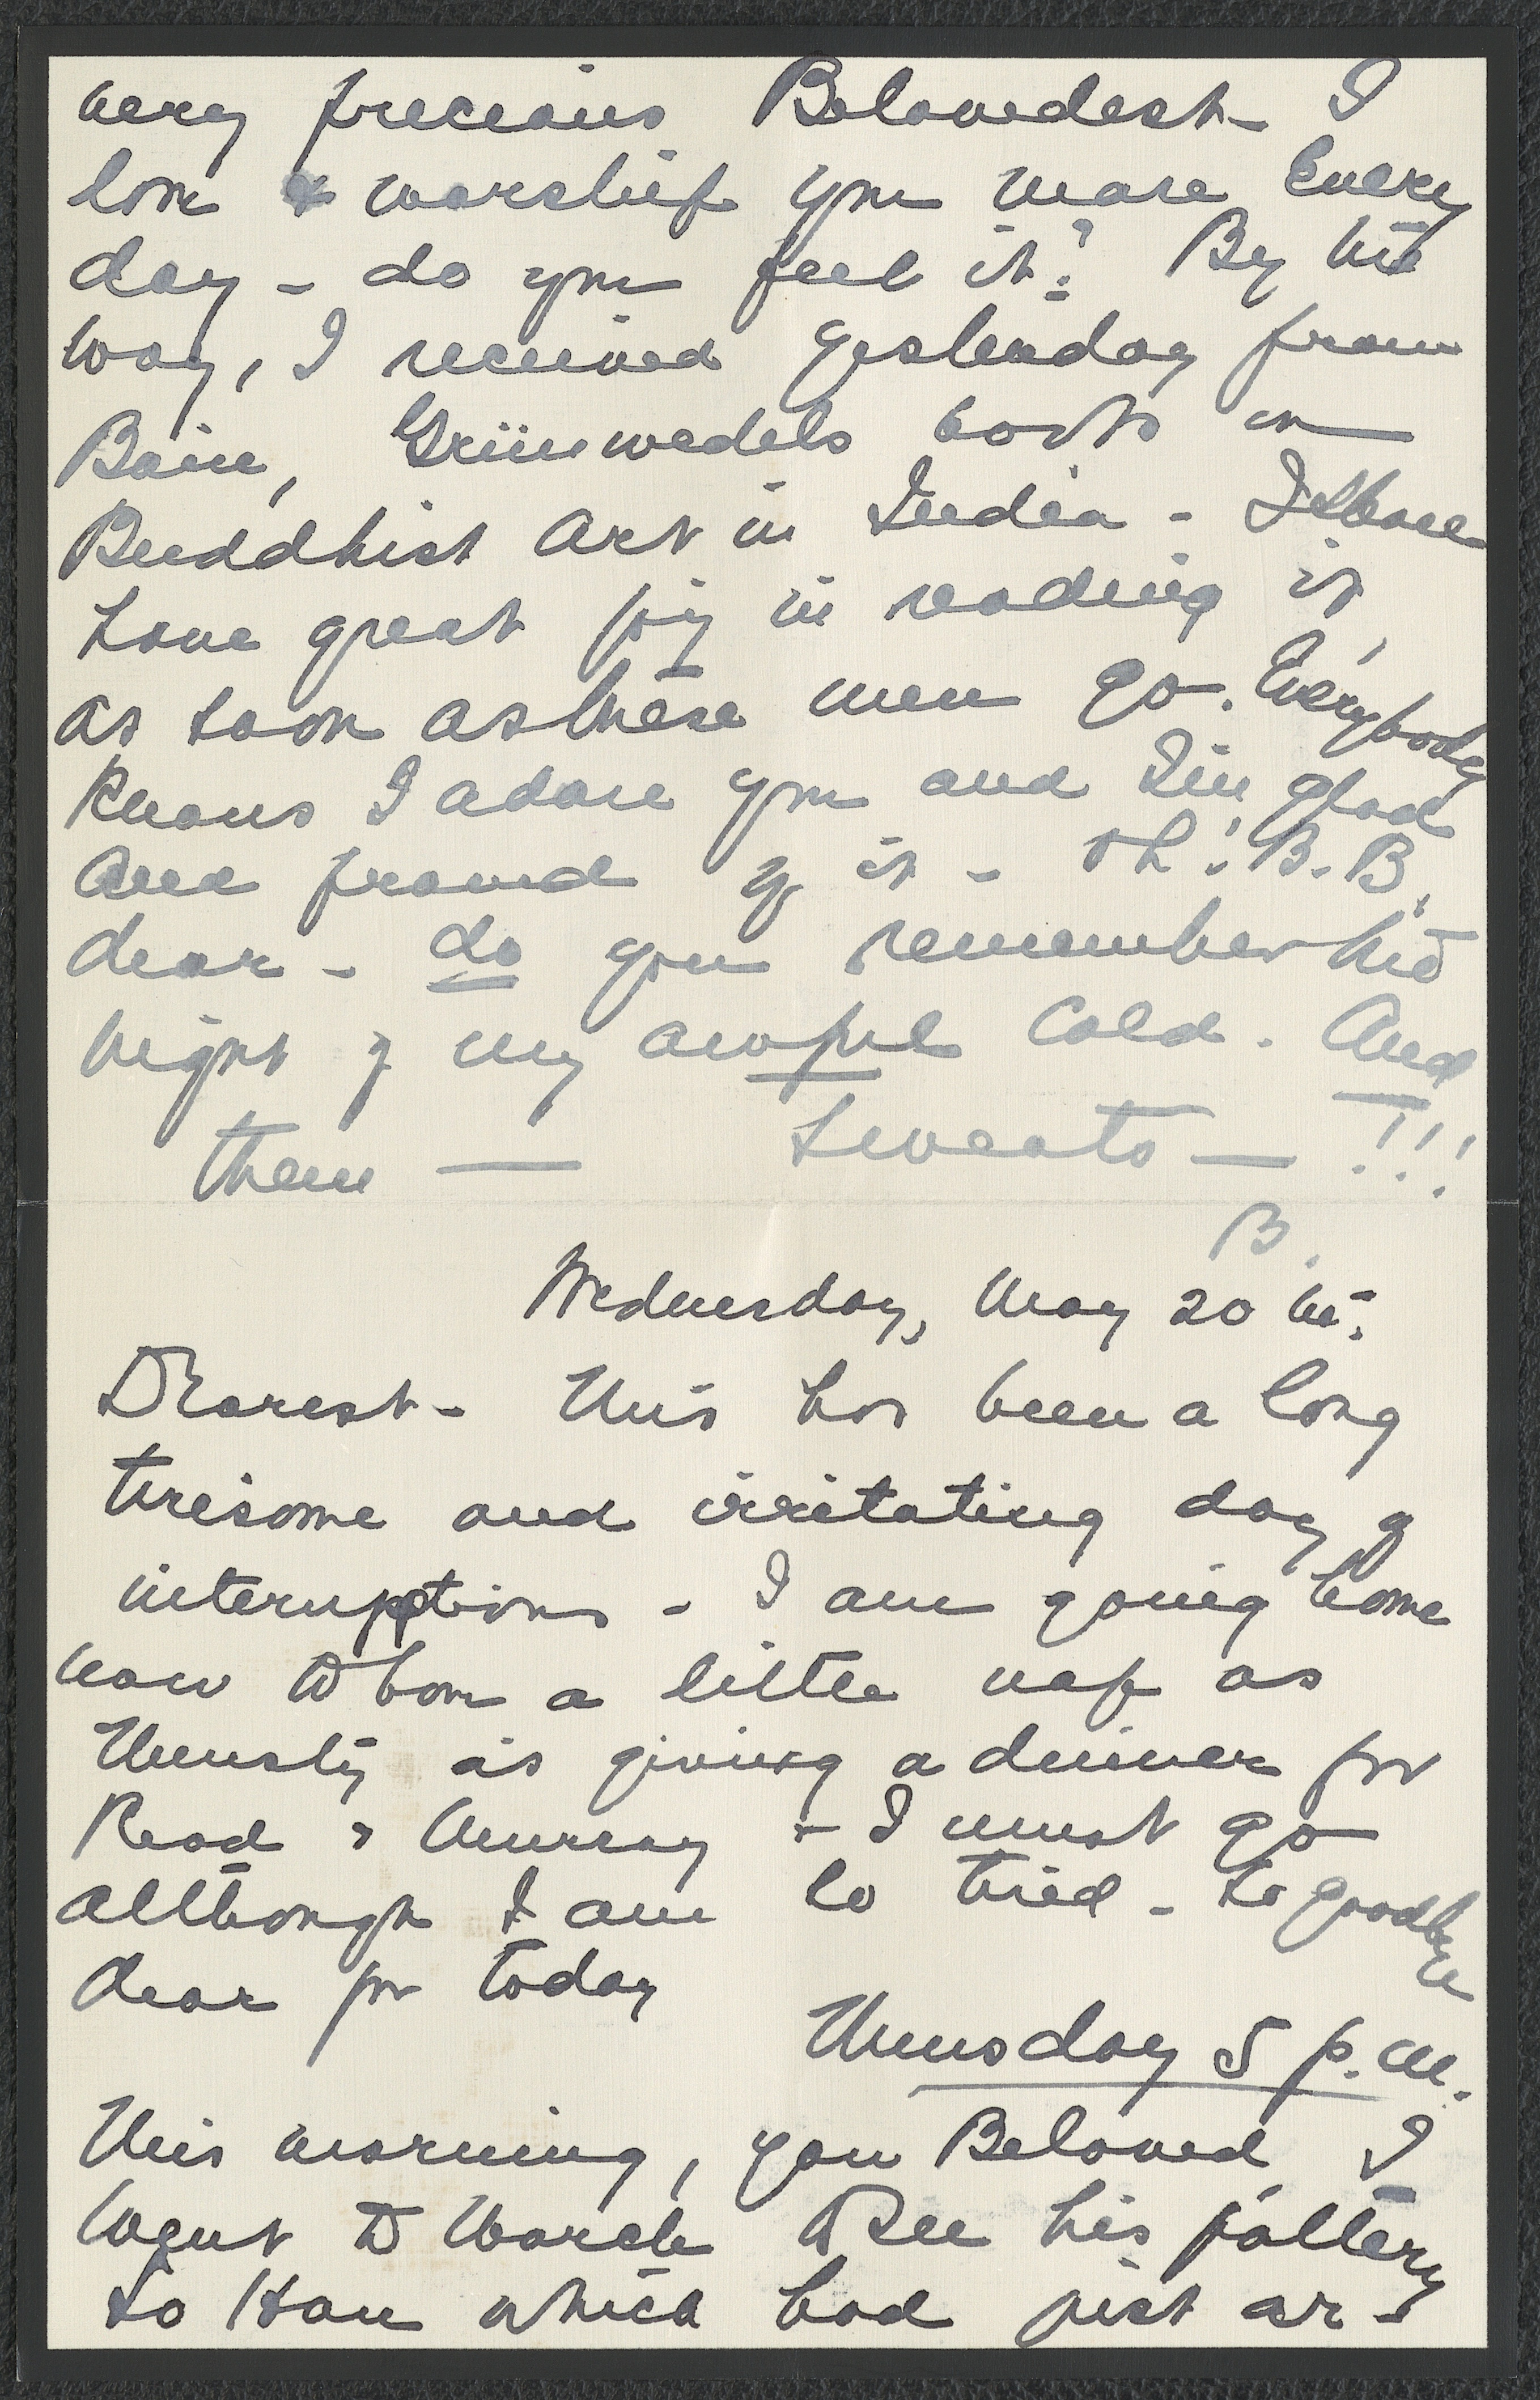very precious Belovedest – I love & worship you more every day – do you feel it? By the way, I received yesterday from Bain, Grünwedels books on Buddhist Art in India – I shall have great joy in reading it, as soon as these men go. Everybody knows I adore you and I'm glad and proud of it – oh! B.B. dear – do you remember that night of my awful cold. And then – sweets – !!!
B.
Wednesday, May 20th.
Dearest – This has been a long tiresome and irritating day of interruptions – I am going home now to have a little nap as Thursty is giving a dinner for Read & Murray & I must go although I am so tired – so goodbye dear for today
Thursday 5 p.m.
This morning, you Beloved, I went to Worch to see his pottery Lo Han which had just arrived.